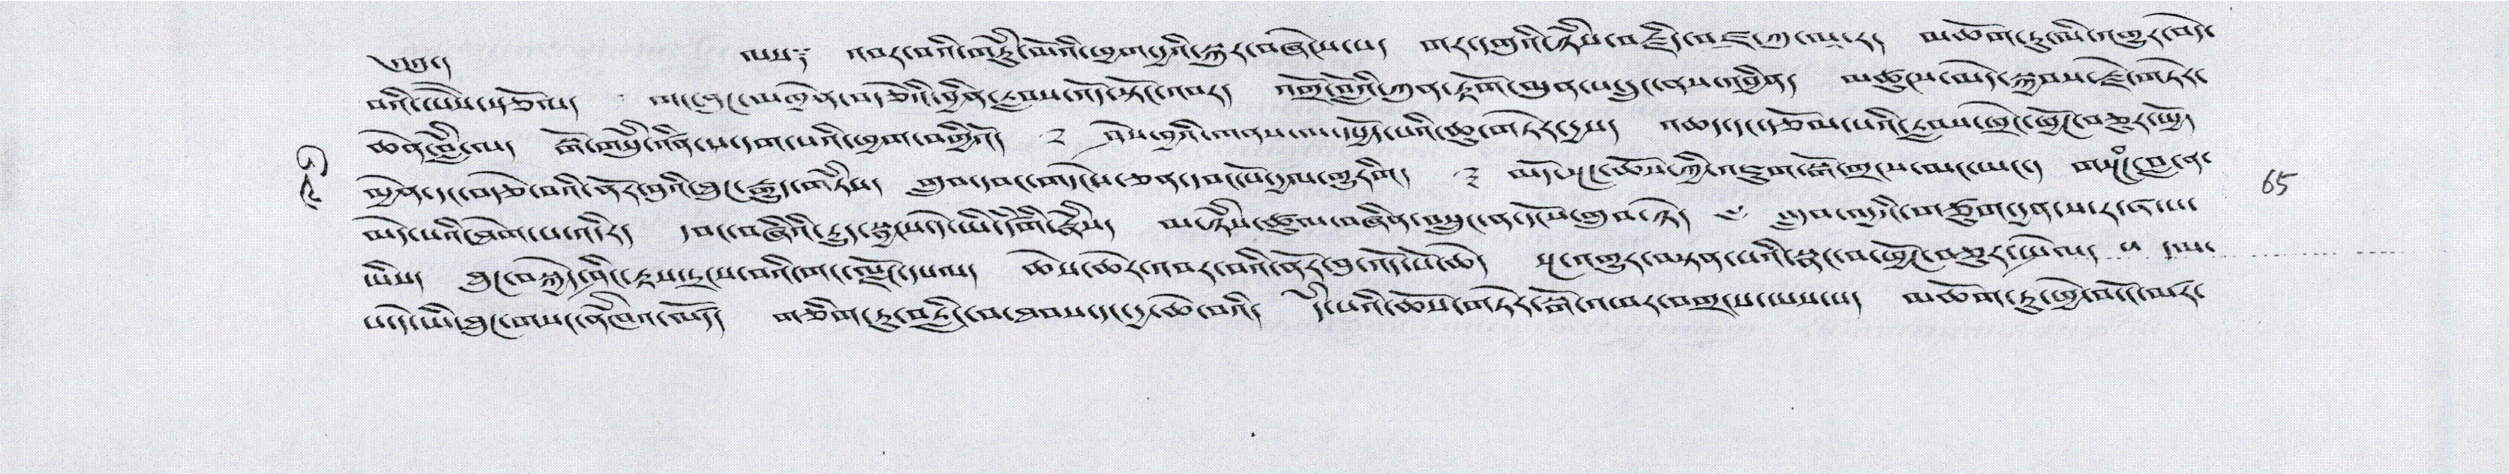ལས། །འབར་བའི་གཏུམ་མོའི་ཕྱག་རྒྱའི་སྐུར་བཞེངས་པ། །གར་དགུའི་ཉམས་བརྗིད་བཛྲ་ཀུ་མཱ་ར། །མཆོག་ཏུ་མི་འགྱུར་བདེ་
བའི་ཡེ་ཤེས་སྩོལ།། ༡ གང་ཐུགས་མཁྱེན་བརྩེའི་བྱིན་རླབས་འོད་སྟོང་འབར། །འགྲོ་བློའི་ཀུན་རྟོག་མུན་པ་དྲུང་ནས་འབྱིན། །མཚུངས་མེད་སྐྱབས་རྗེ་གཏེར་
ཆེན་བླ་མ་ལ། །སྒོ་གསུམ་འཛིན་པ་དག་པའི་ཕྱག་བགྱིའོ།། ༢ ཤེས་བྱའི་གནས་ལ་དཔྱོད་པའི་ཆུ་གཏེར་རྒྱས། །འཆད་དང་རྩོད་པའི་རླབས་ཕྲེང་ཕྱོགས་བཅུར་གཡོ། 
མཁྱེན་དང་བརྩེ་བའི་ནོར་བུའི་ཐུགས་རྒྱུད་གཏམས། །གྲུབ་དབང་གདེངས་ཅན་དབང་པོ་རྒྱལ་གྱུར་ཅིག། ༣ མདོ་སྔགས་ཆོས་ཀྱི་འཇུག་སྒོ་གྲངས་མང་ཡང་། །གསང་སྔགས་བླ་ན་
མེད་པའི་ཐེག་པ་འདིར། །དབང་བཞིའི་རྒྱུད་སྦྱངས་དེ་ཡི་དམ་ཚིག་རྣམས། །མ་ཉམས་ཚུལ་བཞིན་སྲུང་ན་དངོས་གྲུབ་ཉེ།། ༤ གྲུབ་བརྒྱའི་གཙུག་རྒྱན་ས་ར་ཧ་པ་
ཡིས། །ཐུགས་བསྐྱེད་ཤིང་རྟས་དྲངས་པའི་གངས་ལྗོངས་དཔལ། །ཆེས་ཆེར་འབར་བའི་ནོར་བུ་འོད་པོ་ཆེ། །སྔ་འགྱུར་བསྟན་པའི་སྣང་བ་ཕྱོགས་བཅུར་སྤེལ།། ༥ དམ་
པ་དེ་ཡི་ཐུགས་གསང་ནམ་མཁའི་བོན། གཅིག་ཏུ་བརླིང་བ་ཐབས་དང་རྒྱ་ཆེ་བའི། །དམ་པའི་ཆོས་གཏེར་སྒོ་འཕར་བགྲངས་ཡས་པ། །མཆོག་ཏུ་ཕྱེ་བ་ངོ་མཚར་